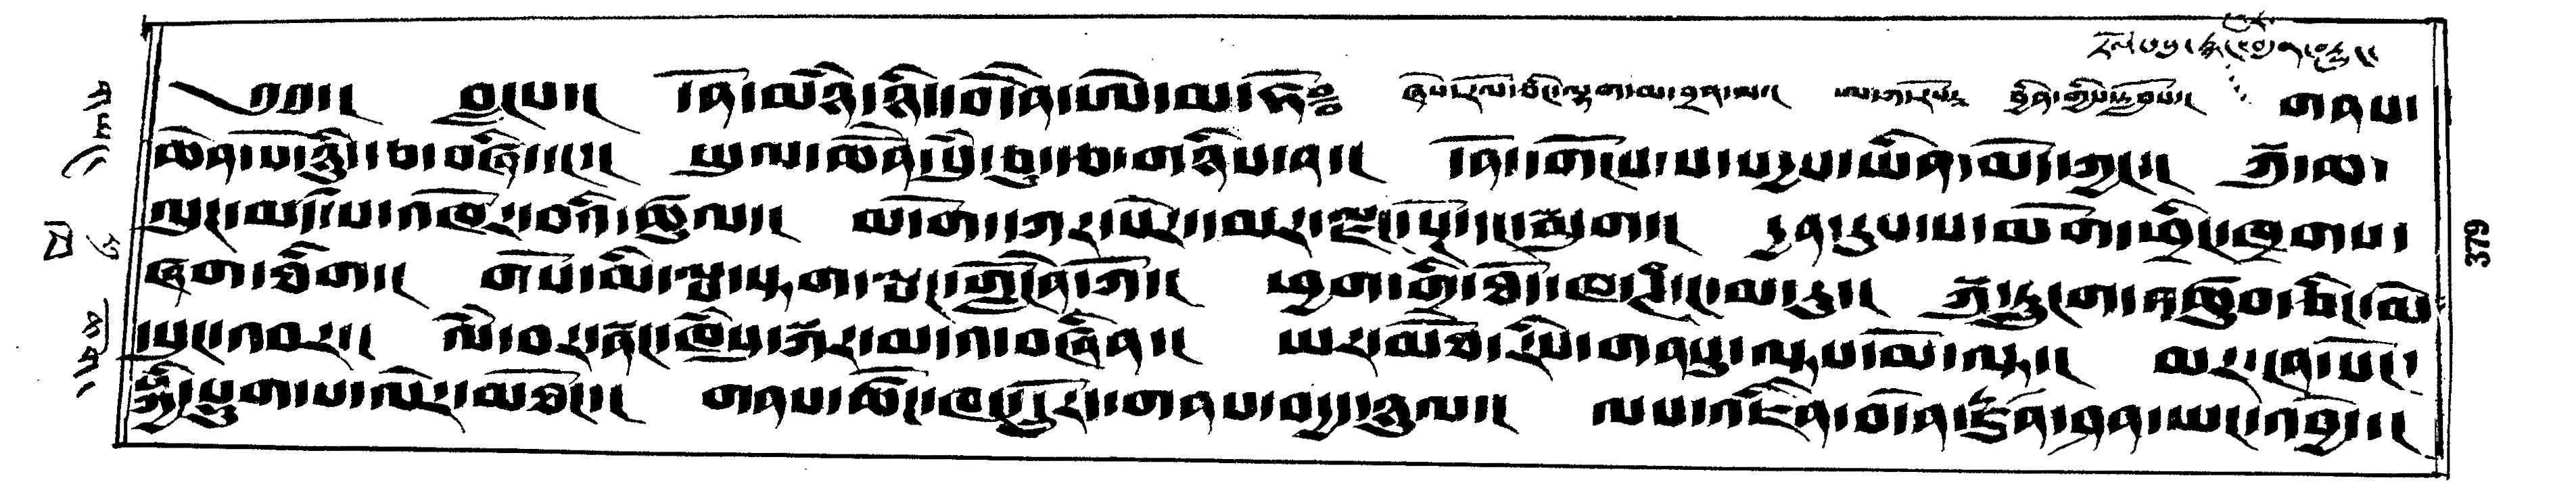བླངས། །དོན་མཉམ་ཉིད་བདེ་ཆེན་ཨེ་མ་ཧོཿ ཞེས་རོལ་ཞིང་ལྷག་མ་བྲན་ལ། ཨ་ཀ་རོས༴ བྱིན་གྱིས་བརླབ། གནས་
ཆེན་པོ་ཉི་ཤུ་རྩ་བཞི་དང་། །ཡུལ་ཆེན་པོ་སུམ་ཅུ་རྩ་གཉིས་ན། །དོན་དགོངས་པ་སངས་རྒྱས་ཡིན་མོད་ཀྱང་། །སྐུ་ཆ་
ལུགས་མཛད་པ་འཁོར་བའི་ཚུལ། །མདོག་དཀར་སེར་དམར་ལྗང་སྔོ་དང་སྨུག །རྒྱན་རུས་པ་མགོ་ཕྲེང་ཁྲག་
ཞག་ཐིག གོས་མི་ལྤགས་སྟག་ལྤགས་གློང་ཆེན་ཀོ །ཕྱག་གྲི་ཐོད་ཁ་ཊཱཾ་ཌ་མ་རུ། །སྐུ་རླུང་ནག་འཚུབ་ཅིང་མེ་
དཔུང་འབར། །ལམ་བར་སྣང་ཁམས་སུ་སྐར་མདའ་བཞིན། །ཡར་མཐོ་རིས་གནས་སུ་བལྟད་མོ་ལྟ། །མར་ངན་སོང་
སྐྱིད་སྡུག་ས་ལེར་མཐོང་། །གནས་ཚོགས་ཁང་དུར་ཁྲོད་གནས་བརྒྱད་ཉུལ། །ལས་འཇིག་རྟེན་བདེ་རྫུན་ཤན་ཡང་འབྱེད།